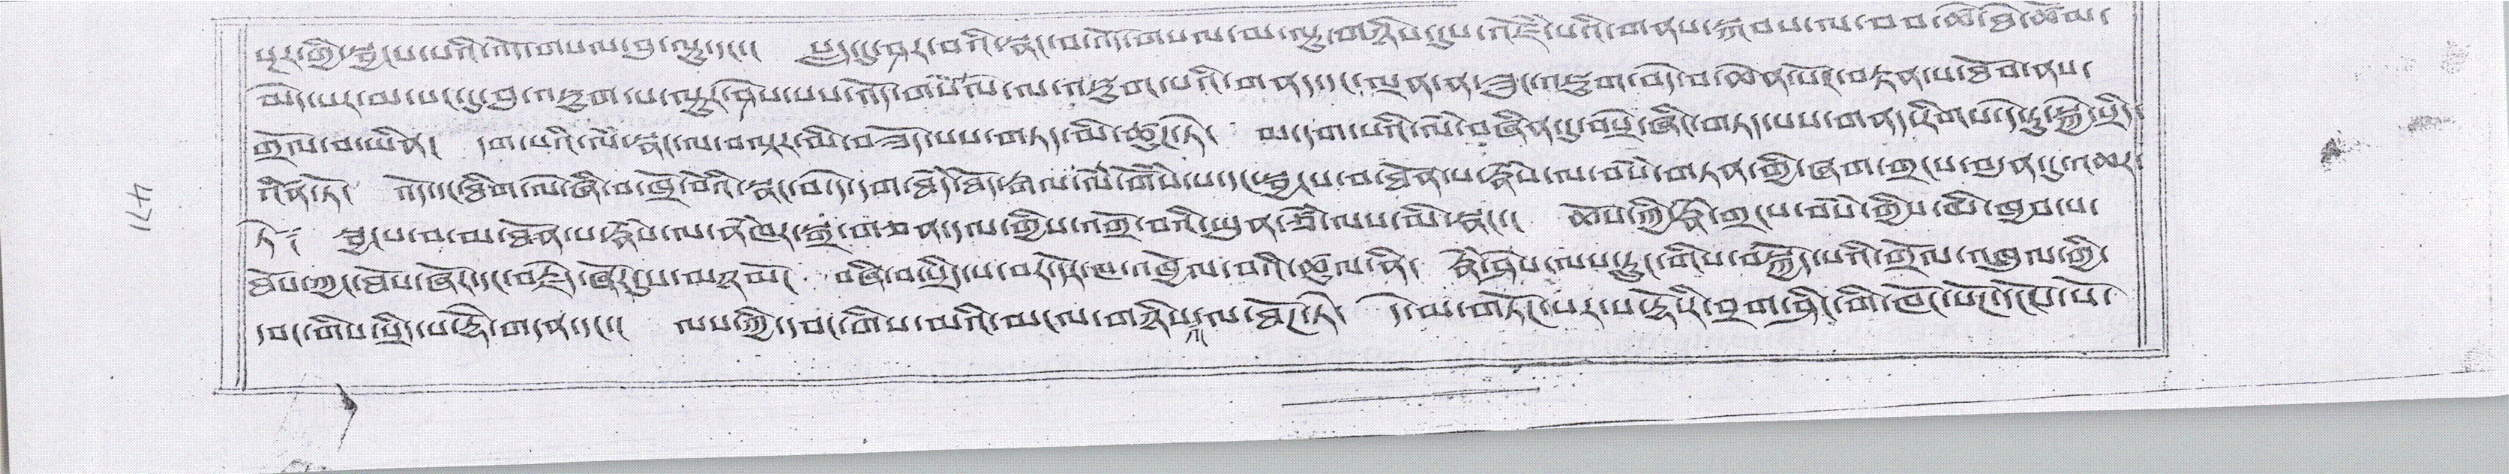སྔར་གྱི་སྦྱངས་པའི་འོད་གསལ་བུ་ལྟ་བུ་དང་། སླད་དུ་ཤར་བའི་འོད་གསལ་སྣང་བ་མ་ལྟ་བུ་གཉིས་དུས་འཛོམས་པའི་གནས་སྐབས་ལ་བབ་ཚེ་ཐེ་ཚོམ་
མེད་པར་མ་པང་དུ་བུ་འཇུག་པ་ལྟ་བུར་ཤེས་པས་འོད་གསལ་ལ་འཇུག་པའི་གནད་དང་ལྡན་ན་ཟུང་འཇུག་བདེ་བ་ཆེན་པོར་བརྟན་པ་ཐོབ་ནས་
གྲོལ་བ་ཡིན། དག་པའི་ལམ་སྣང་ལ་བལྟར་མི་བཟོད་པས་གཏད་མི་ཚུགས་ཏེ། མ་དག་པའི་ལམ་བཞིན་དུ་བསྲེ་ཞིང་གཏད་པས་གནད་རིགས་དེ་རུ་སྐྱེ་སྲིད་
འཛིན་ཏོ། འོད་དང་ཐིག་ལེ་ཞི་བ་ཁྲོ་བོའི་སྣང་བ་དེ་དག་ཐམས་ཅད་ཐོད་རྒལ་ལམ་གོམས་པ་དང་སྦྱངས་པ་ཐོན་པ་རྣམས་ལ་བསམ་གཏན་གྱི་ཞག་གྲངས་བདུན་དུ་འཆར་
ཏེ། སྦྱངས་པ་མ་ཐོན་པ་རྣམས་ལ་ནམ་མཁར་སྒྲ་གཅན་དལ་གྱིས་འགྲོ་བའི་ཡུན་ཙམ་ལས་མི་སྣང་། ཆོས་ཀྱི་རྣམ་གྲངས་བསམ་གྱིས་མི་ཁྱབ་པ་
ཐོས་ཀྱང་ཐོས་ཞོར་དང་བརྗེད་ཞོར་དུས་མཉམ་མོ། བཞི་པ་སྲིད་པ་བར་དོ་ཁ་འཁྱོལ་བའི་ཚུལ་ནི། རྣམ་ཤེས་ལས་རླུང་གིས་བསྐྱོིད་པའི་གྲོལ་འཁྲུལ་གྱི་
དབང་གིས་སྲིད་པ་རྡོ་རྗེ་གདན་དང་། ལས་ཀྱི་དབང་གིས་མ་ཡི་མངལ་གཉིས་ཀ་ལ་ཐོགས་ཏེ། དེ་མ་གཏོགས་པར་ས་རྡོ་རི་བྲག་ཤིང་གི་ཁོང་གསེང་སོགས་སུ་དངོས་པོ་